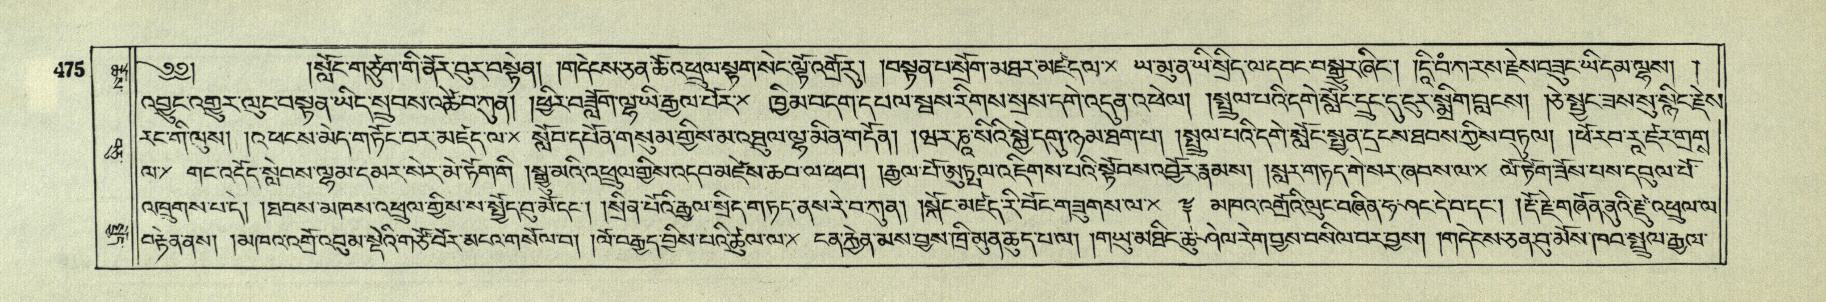༄༅། །སློང་གཙུག་གི་ནོར་བུར་བསྟེན། །གདེངས་ཅན་ཆོ་འཕྲུལ་སྟག་སེང་ལྟོ་འགྲོ་རུ། །བསྟན་པ་སྲོག་མཐར་མཛད་ལ་྾་ཡ་མུ་ན་ཡི་སྲིད་ལ་དབང་བསྒྱུར་ཞིང་། །དཱི་བཾ་ཀ་རས་རྗེས་བཟུང་ཡི་དམ་ལྷས། །
འབྱུང་འགྱུར་ལུང་བསྟན་ཡིད་སྲུབས་འཆེ་བ་ཀུན། །ཕྱིར་བཟློག་ལྷ་ཡི་རྒྱལ་པོར་྾་ཁྱིམ་བདག་དཔལ་སྦས་རིགས་སྲས་དགེ་འདུན་འཕེལ། །སྤྲུལ་པའི་དགེ་སློང་དྲུང་དུ་ངུར་སྨྲིག་བླངས། །ཅེ་སྤྱང་ཟས་སུ་སྙིང་རྗེས་
རང་གི་ལུས། །འཕངས་མེད་གཏོང་བར་མཛད་ལ་྾་སློབ་དཔོན་གསུམ་གྱིས་མ་འཐུལ་ལྷ་མིན་གདོན། །ཝ་ར་ཎཱ་སིའི་སྐྱེ་དགུ་ཉམ་ཐག་པ། །སྤྲུལ་པའི་དགེ་སློང་སྤྱན་དྲངས་ཐབས་ཀྱིས་བཏུལ། །ཕོ་རབ་རཱ་ཛར་གྲགས་
ལ་྾་གང་འདོད་སླེབས་ལྷམ་དམར་སེར་མེ་ཏོག་གི །སྒྱུ་མའི་འཕྲུལ་གྱིས་འདབ་མཛེས་ཆབ་ལ་ཕབ། །རྒྱལ་པོ་ཨུཏྤལ་འཇིགས་པའི་སྟོབས་འབྱོར་རྣམས། །སླར་གཏད་གེ་སར་ཞབས་ལ་྾་ལོ་ཏོག་ཟོས་པས་དབུལ་པོ་
འཁྲུགས་པ་དེ། །ཐབས་མཁས་འཕྲུལ་གྱིས་ས་སྤྱོད་བུ་མོ་དང་། །སྲིན་པོའི་རྒྱལ་སྲིད་གཏད་ནས་རེ་བ་ཀུན། །སྐོང་མཛད་རི་བོང་གཟུགས་ལ་྾་འ་མཁའ་འགྲོའི་ལུང་བཞིན་ཧ་ཤང་དེ་བ་དང་། །རྡོ་རྗེ་གཞོན་ནུའི་རྫུ་འཕྲུལ་ལ་
བརྟེན་ནས། །མཁའ་འགྲོ་འབུམ་སྡེའི་གཙོ་བོར་མངའ་གསོལ་བ། །ལོ་བརྒྱད་བྱིས་པའི་ཚུལ་ལ་྾་ངན་རྐྱེན་མས་བྱས་ཁྲི་མུན་ཆུད་པ་ལ། །གཡུ་མཐིང་ཆུ་ཤེལ་རེག་བྱས་བསིལ་བར་བྱས། །གདེངས་ཅན་བུ་མོས་ཁབ་སྤྲུལ་རྒྱལ་